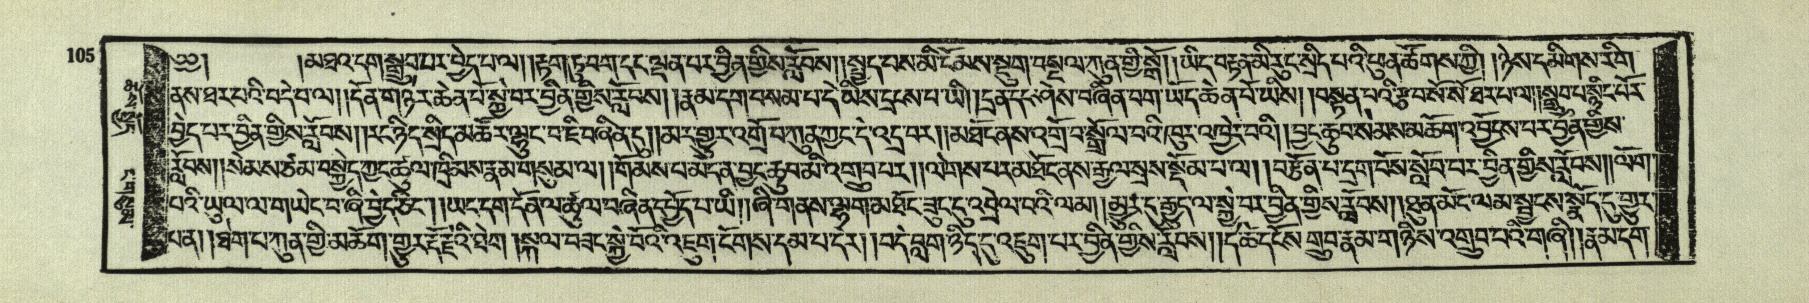༄༅། །མཐའ་དག་སྒྲུབ་པར་བྱེད་པ་ལ། །རྟག་ཏུ་བག་དང་ལྡན་པར་བྱིན་གྱིས་རློབས། །སྤྱད་པས་མི་ངོམས་སྡུག་བསྔལ་ཀུན་གྱི་སྒོ། །ཡིད་བརྟན་མི་རུང་སྲིད་པའི་ཕུན་ཚོགས་ཀྱི། །ཉེས་དམིགས་རིག་
ནས་ཐར་པའི་བདེ་བ་ལ། །དོན་གཉེར་ཆེན་པོ་སྐྱེ་བར་བྱིན་གྱིས་རློབས། །རྣམ་དག་བསམ་པ་དེ་ཡིས་དྲངས་པ་ཡི། །དྲན་དང་ཤེས་བཞིན་བག་ཡོད་ཆེན་པོ་ཡིས། །བསྟན་པའི་རྩ་བ་སོ་སོ་ཐར་པ་ལ། །སྒྲུབ་པ་སྙིང་པོར་
བྱེད་པར་བྱིན་གྱིས་རློབས། །རང་ཉིད་སྲིད་མཚོར་ལྷུང་བ་ཇི་བཞིན་དུ། །མར་གྱུར་འགྲོ་བ་ཀུན་ཀྱང་དེ་འདྲ་བར། །མཐོང་ནས་འགྲོ་བ་སྒྲོལ་བའི་ཁུར་འཁྱེར་བའི། །བྱང་ཆུབ་སེམས་མཆོག་འབྱོངས་པར་བྱྀན་གྱིས་
རློབས། །སེམས་ཙམ་བསྐྱེད་ཀྱང་ཚུལ་ཁྲིམས་རྣམ་གསུམ་ལ། །གོམས་པ་མེད་ན་བྱང་ཆུབ་མི་འགྲུབ་པར། །ལེགས་པར་མཐོང་ནས་རྒྱལ་སྲས་སྡོམ་པ་ལ། །བརྩོན་པ་དྲག་པོས་སློབ་པར་བྱིན་གྱིས་རློབས། །ལོག་
པའི་ཡུལ་ལ་གཡེང་བ་ཞི་བྱེད་ཅིང་། །ཡང་དག་དོན་ལ་ཚུལ་བཞིན་དཔྱོད་པ་ཡི། །ཞི་གནས་ལྷག་མཐོང་ཟུང་དུ་འབྲེལ་བའི་ལམ། །མྱུར་དུ་རྒྱུད་ལ་སྐྱེ་བར་བྱིན་གྱིས་རློབས། །ཐུན་མོང་ལམ་སྦྱངས་སྣོད་དུ་གྱུར་
པ་ན། །ཐེག་པ་ཀུན་གྱི་མཆོག་གྱུར་རྡོ་རྗེའི་ཐེག །སྐལ་བཟང་སྐྱེ་བོའི་འཇུག་ངོགས་དམ་པ་དེར། །བདེ་བླག་ཉིད་དུ་འཇུག་པར་བྱིན་གྱིས་རློབས། །དེ་ཚེ་དངོས་གྲུབ་རྣམ་གཉིས་འགྲུབ་པའི་གཞི། །རྣམ་དག་